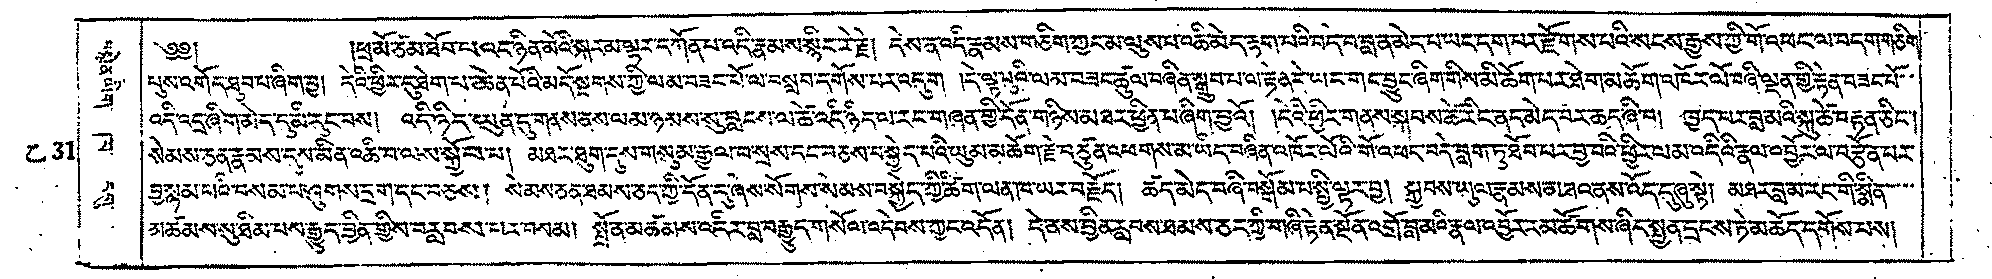༄༅། །ཕྲ་མོ་ཙམ་ཐོབ་པའང་ཉིན་མོའི་སྐར་མ་ལྟར་དཀོན་པ་འདི་རྣམས་སྙིང་རེ་རྗེ། དེས་ན་འདི་རྣམས་གཅིག་ཀྱང་མ་ལུས་པ་འཆི་མེད་རྟག་པའི་བདེ་བ་བླ་ན་མེད་པ་ཡང་དག་པར་རྫོགས་པའི་སངས་རྒྱས་ཀྱི་གོ་འཕང་ལ་བདག་གཅིག་
པུས་འགོད་ཐུབ་པ་ཞིག་བྱ། དེའི་ཕྱིར་དུ་ཐེག་པ་ཆེན་པོའི་མདོ་སྔགས་ཀྱི་ལམ་བཟང་པོ་ལ་བསླབ་དགོས་པར་འདུག །དེ་ལྟ་བུའི་ལམ་བཟང་ཚུལ་བཞིན་སྒྲུབ་པ་ལ་རྟེན་དེ་ཡང་གང་བྱུང་ཞིག་གིས་མི་ཆོག་པར་ཐེག་མཆོག་འཁོར་ལོ་བཞི་ལྡན་གྱི་རྟེན་བཟང་པོ་་་
འདི་འདྲ་ཞིག་མེད་དུ་མི་རུང་བས། འདི་ཉིད་ཡུན་དུ་གནས་ནས་ལམ་ཉམས་སུ་བླངས་ལ་ཚེ་འདི་ཉིད་ལ་རང་གཞན་གྱི་དོན་གཉིས་མཐར་ཕྱིན་པ་ཞིག་བྱའོ། །དེའི་ཕྱིར་གནས་སྐབས་ཚེ་རིང་ནད་མེད་བར་ཆད་ཞི་བ། ཁྱད་པར་བླ་མའི་སྐུ་ཚེ་བརྟན་ཅིང་།
སེམས་ཅན་རྣམས་དུས་མིན་འཆི་བ་ལས་སྐྱོབ་པ། མཐར་ཐུག་དུས་གསུམ་རྒྱལ་བ་སྲས་དང་བཅས་པ་སྐྱེད་པའི་ཡུམ་མཆོག་རྗེ་བཙུན་འཕགས་མ་ཡིད་བཞིན་འཁོར་ལོའི་གོ་འཕང་བདེ་བླག་ཏུ་ཐོབ་པར་བྱ་བའི་ཕྱིར་ལམ་འདིའི་རྣལ་འབྱོར་བརྩོན་པར་
བྱ་སྙམ་པའི་བསམ་པ་ཤུགས་དྲག་དང་བཅས། སེམས་ཅན་ཐམས་ཅད་ཀྱི་དོན་དུ་ཞེས་སོགས་སེམས་བསྐྱེད་ཀྱི་ཚིག་ལན་ཁ་ཡར་བརྗོད། ཚད་མེད་བཞི་བསྒོམ་པ་སྤྱི་ལྟར་བྱ། སྐྱབས་ཡུལ་རྣམས་མཐའ་ནས་འོད་དུ་ཞུ་སྟེ། མཐར་བླ་མ་རང་གི་སྨིན་་་
མཚམས་སུ་ཐིམ་པས་རྒྱུད་བྱིན་གྱིས་བརླབས་པར་བསམ། སྤྲོ་ན་མཚམས་འདིར་བླ་བརྒྱུད་གསོལ་འདེབས་ཀྱང་འདོན། དེ་ནས་བྱིན་རླབས་ཐམས་ཅད་ཀྱི་གཞི་རྟེན་སྔོན་འགྲོ་བླ་མའི་རྣལ་འབྱོར་རམ་ཚོགས་ཞིང་སྤྱན་དྲངས་ཏེ་མཆོད་དགོས་པས།